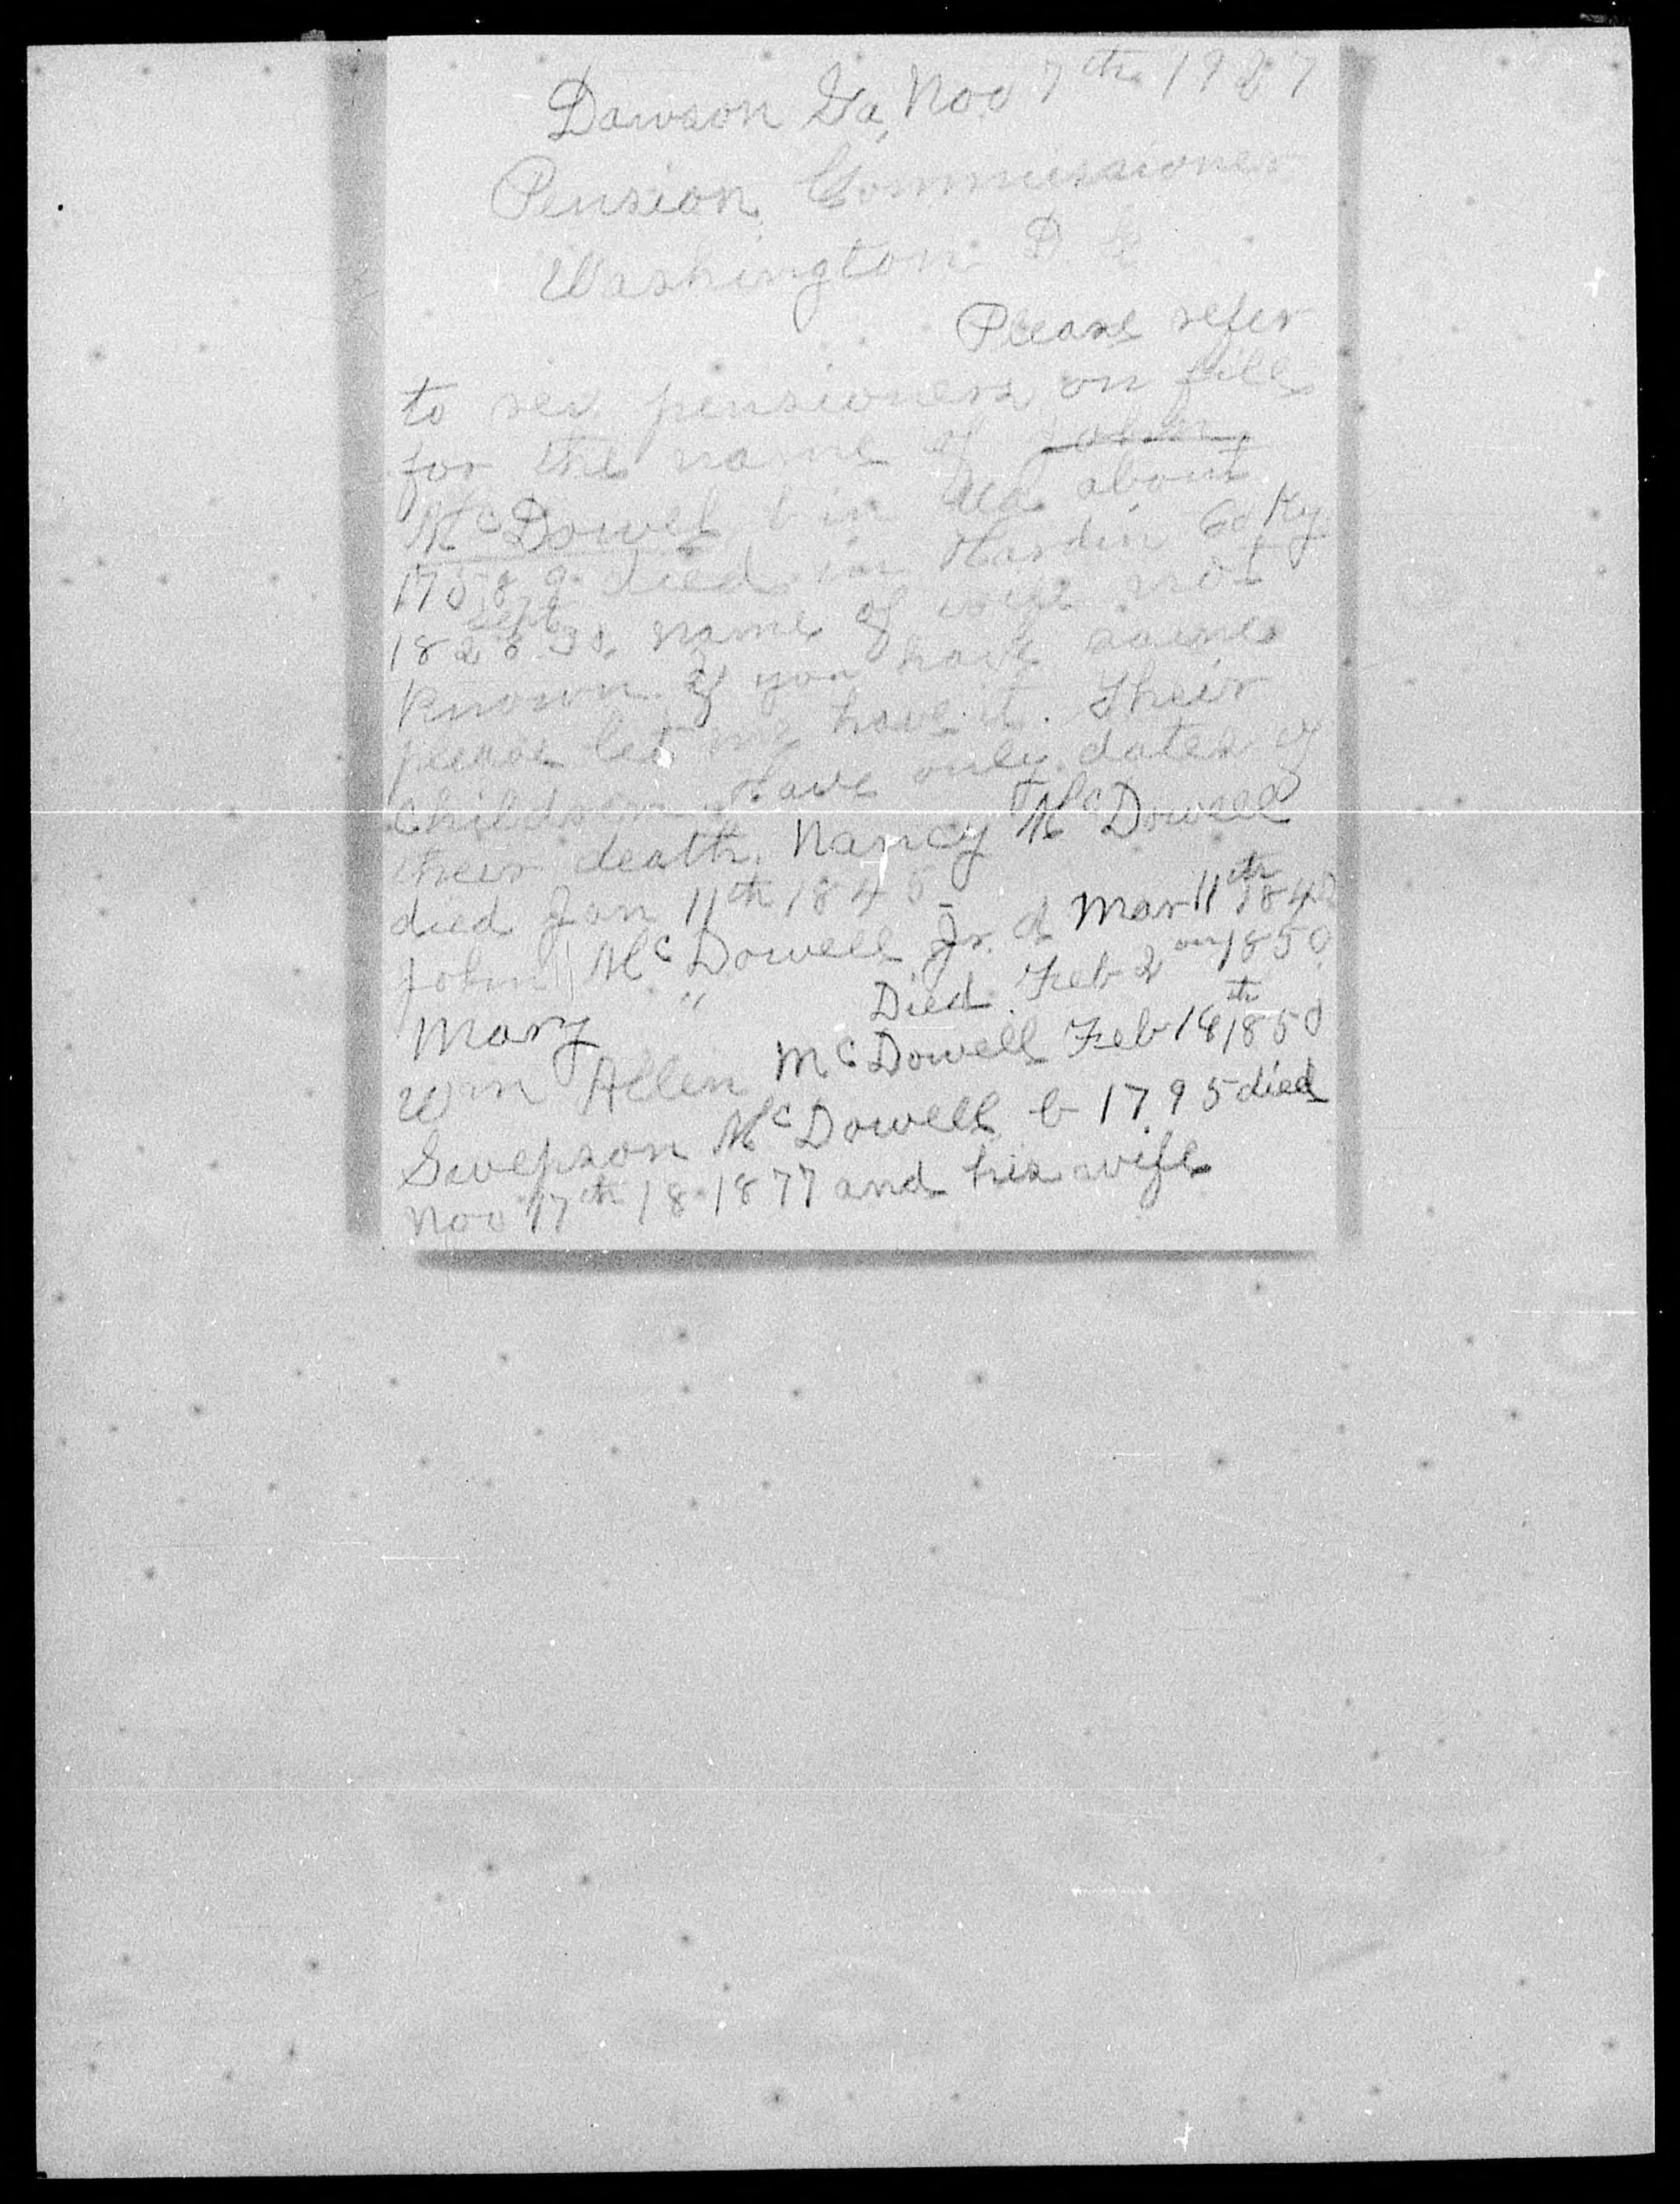Dawson Ga, Nov. 7th 1927
Pension Commissioner
Washington D.C.
Please refer to rev. pensioners on file for the name of McDowell b in or about 1758 9 - died in Hardin Co Ky 1828 Sept 30, name of wife not proven. If you have same please let me have it. Their children have only dates of their death, Nancy McDowell died Jan 11th 1845
John McDowell Jr. d Mar 11th 1842
Mary " Died Feb 2nd 1850
Wm Allen McDowell Feb 18th 1850
Swepson McDowell b 1795 died Nov 17th 1818 77 and his wife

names: Wm Allen Mc Dowell; Nancy Mc Dowell; John Mc Dowel; Swepson Mc Dowell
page: 38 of 47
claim: survivor's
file: S. 30578, for John Mc Dowell, Virginia